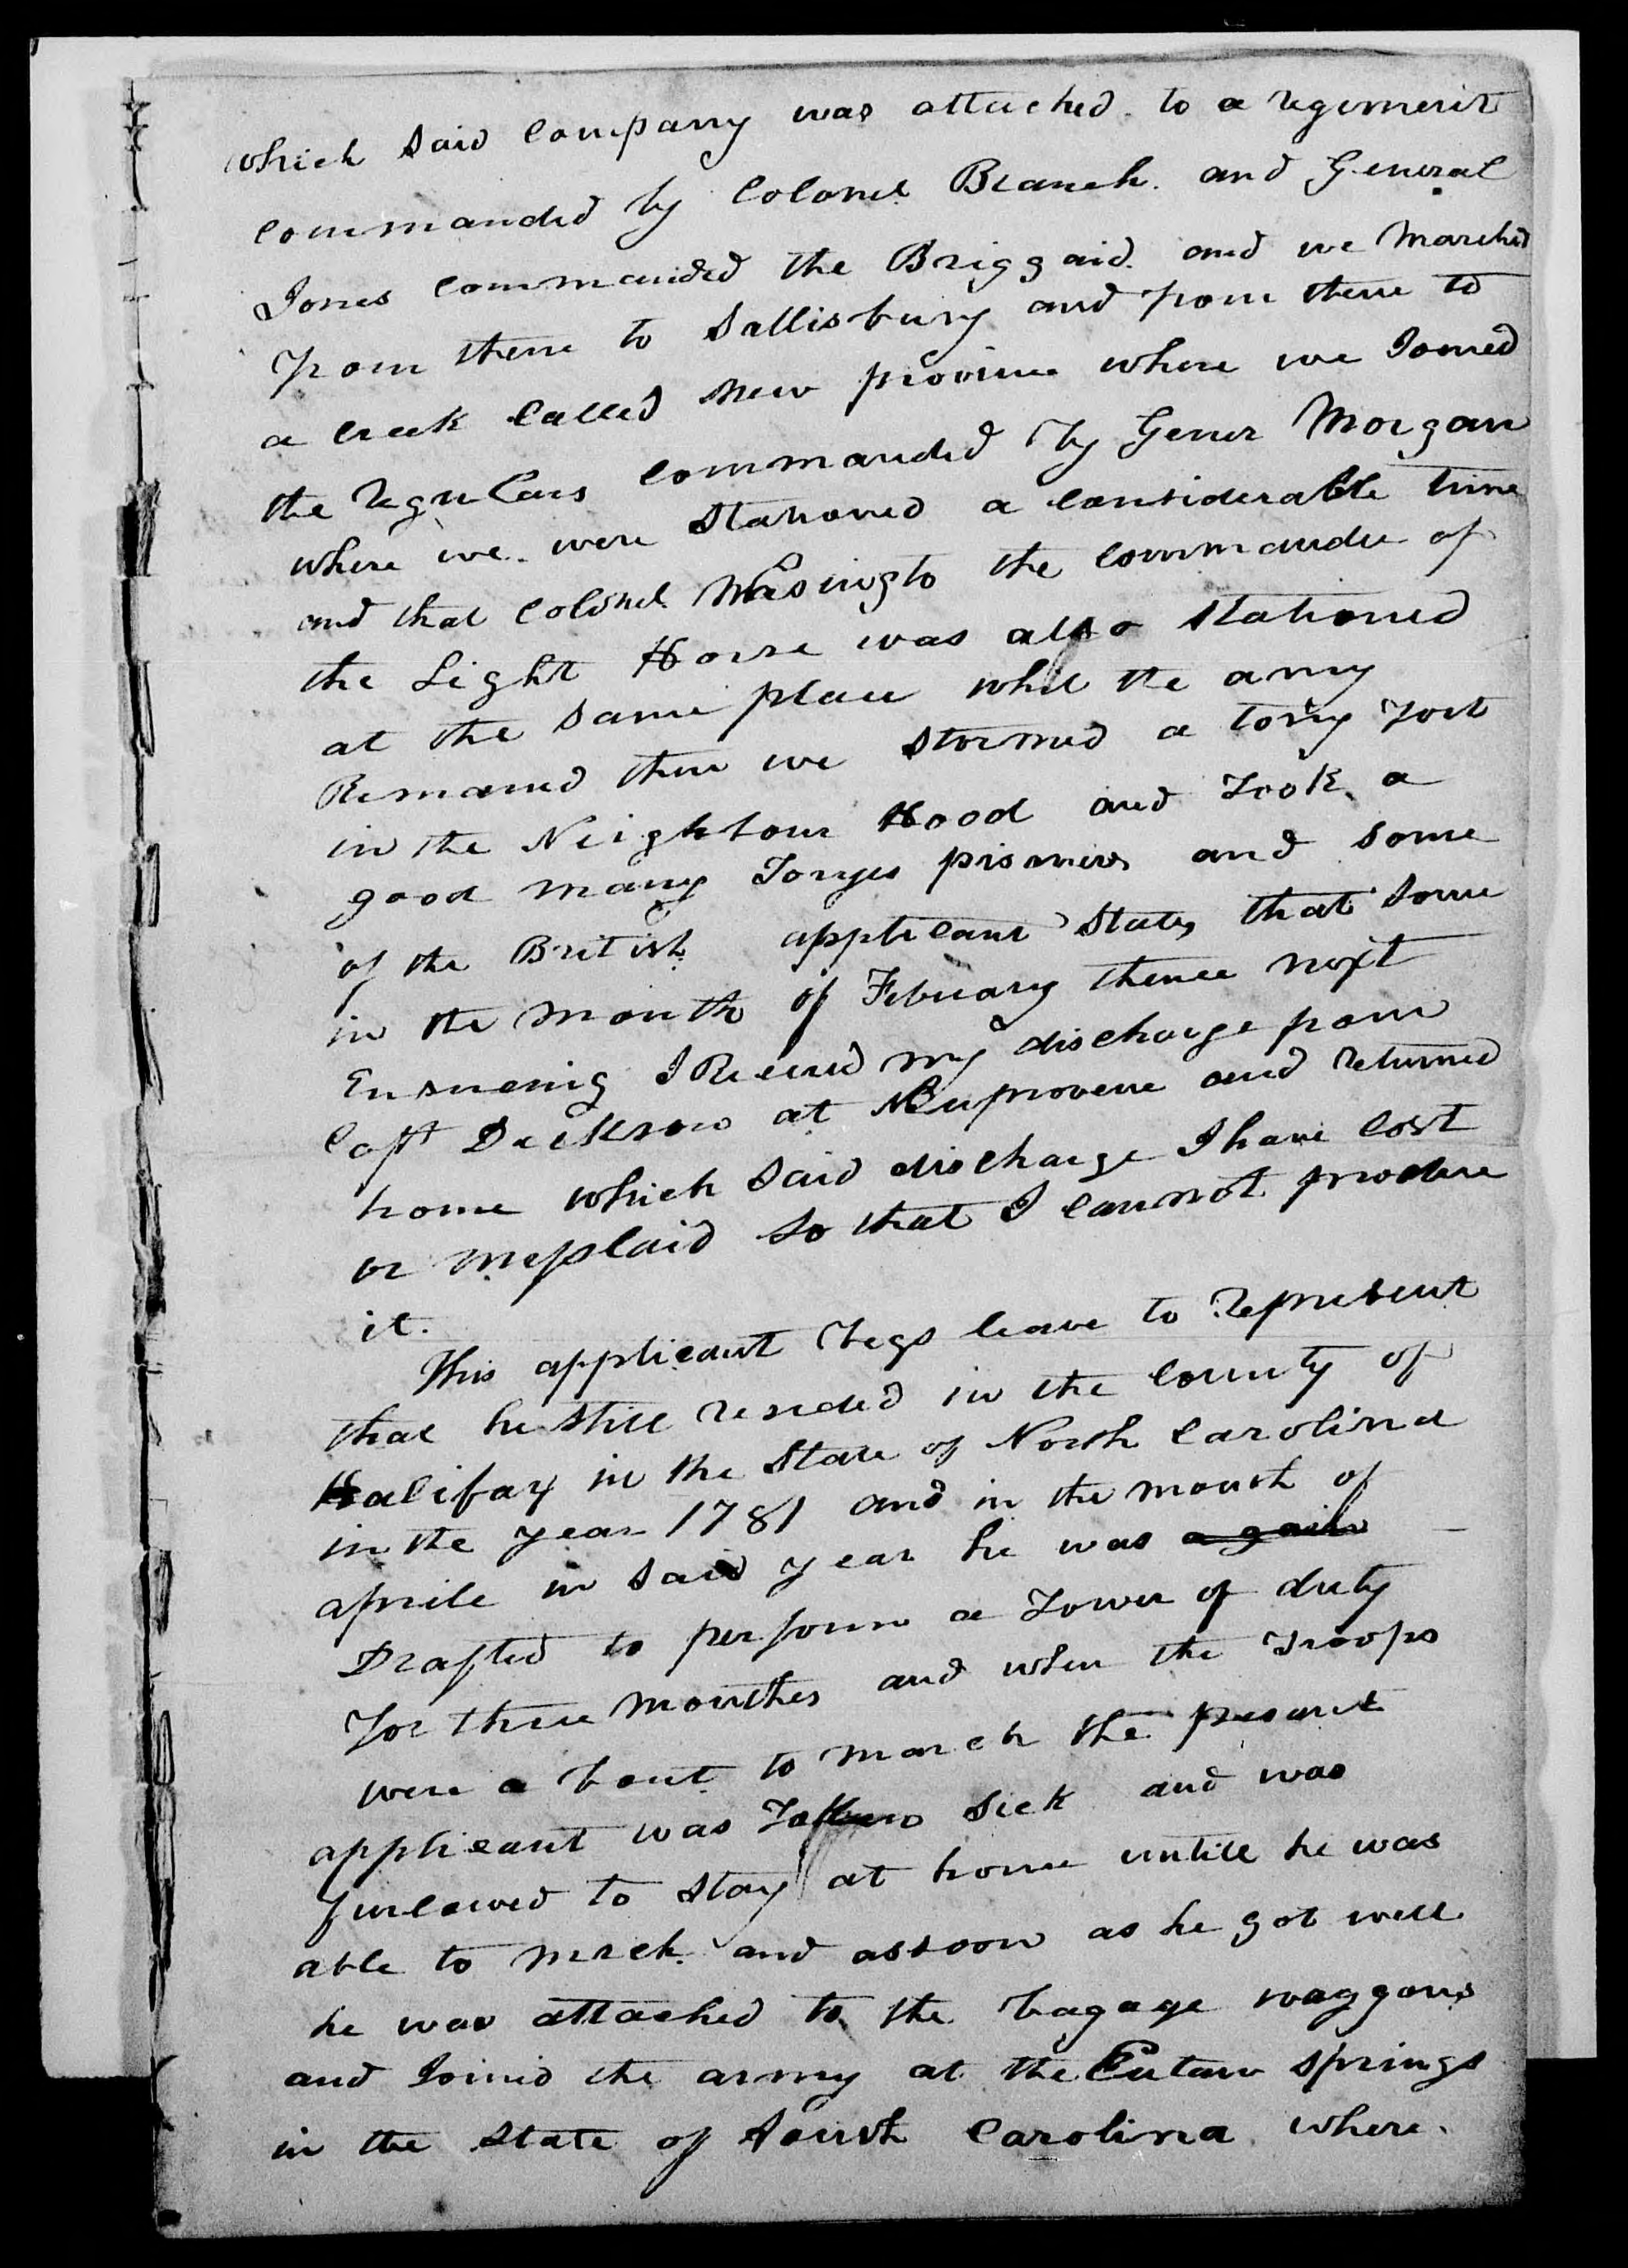which said Company was attached to a regiment commanded by Colonel Branch and General Jones commanded the Briggaid and we marched from there to Sallisbury and from there to a creek called new province where we joined the Regulars commanded by Gener Morgan where we were stranded a considerable time and that Colonel Wasingto the commander of the Light Horse was also stationed at the same place while the army Remaned there we stormed a Tory Fort in the Neighbour Hood and Took a good many Torrys prisoners and some of the British applicant states that some in the month of February thence next Ensuing I Received my discharge from Capt Dickson at [N Caprovere?] and returned home which said discharge I have lost or mislaid so that I cannot procure it.
This applicant begs leave to represent that he still resided in the County of Halifax in the State of North Carolina in the year 1781 and in the month of aprile in said year he was again Drafted to perform a Tower of duty for these months and when the Troops were a bout to march the present applicant was taken sick and was furlowed to stay at home until he was able to march and as soon as he got well he was attached to the bagage waggons  and joined the army at the Eaton Springs in the State of South Carolina where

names: Dickson, Jones, Morgan, Wasingto, Branch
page: 5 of 81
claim: survivor's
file: S. 1908, Richard Harper, N.C.